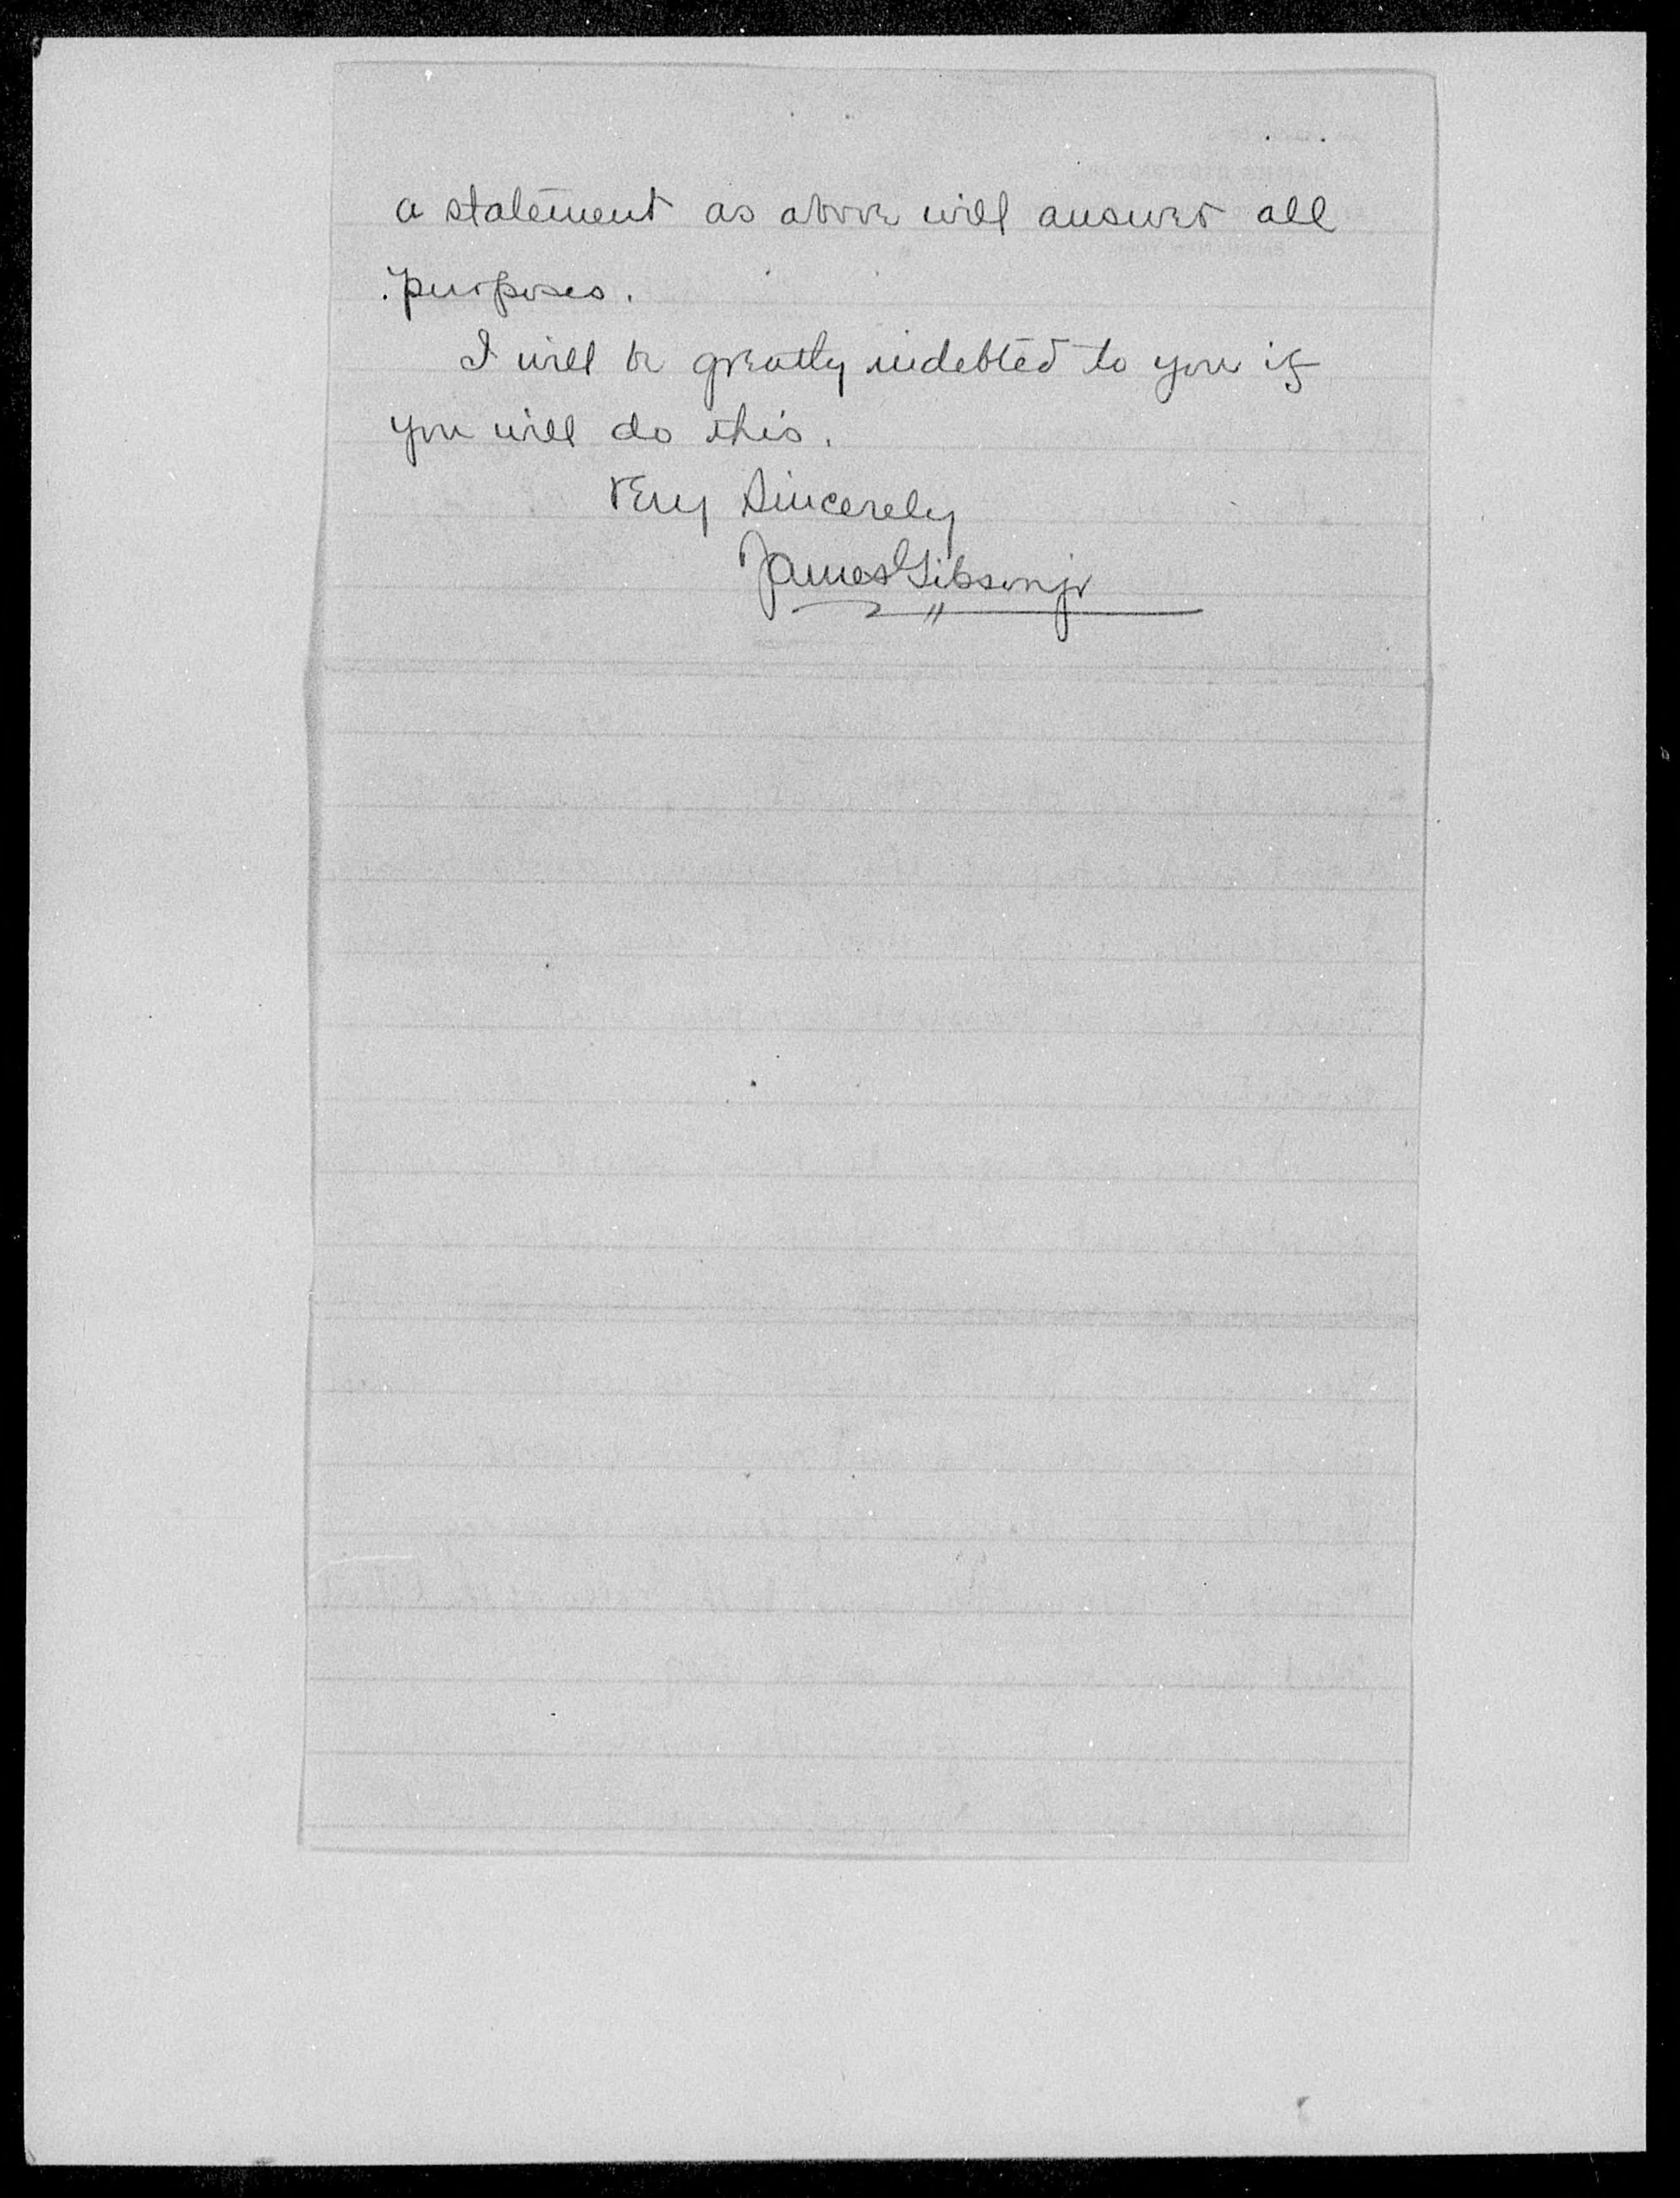a statement as above will answer all purposes.
I will be greatly indebted to you if you will do this.
very Sincerely, 
James Gibson jr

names: James Gibson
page: 30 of 32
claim: survivor's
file: S. 34899, John Gibson, R.I.